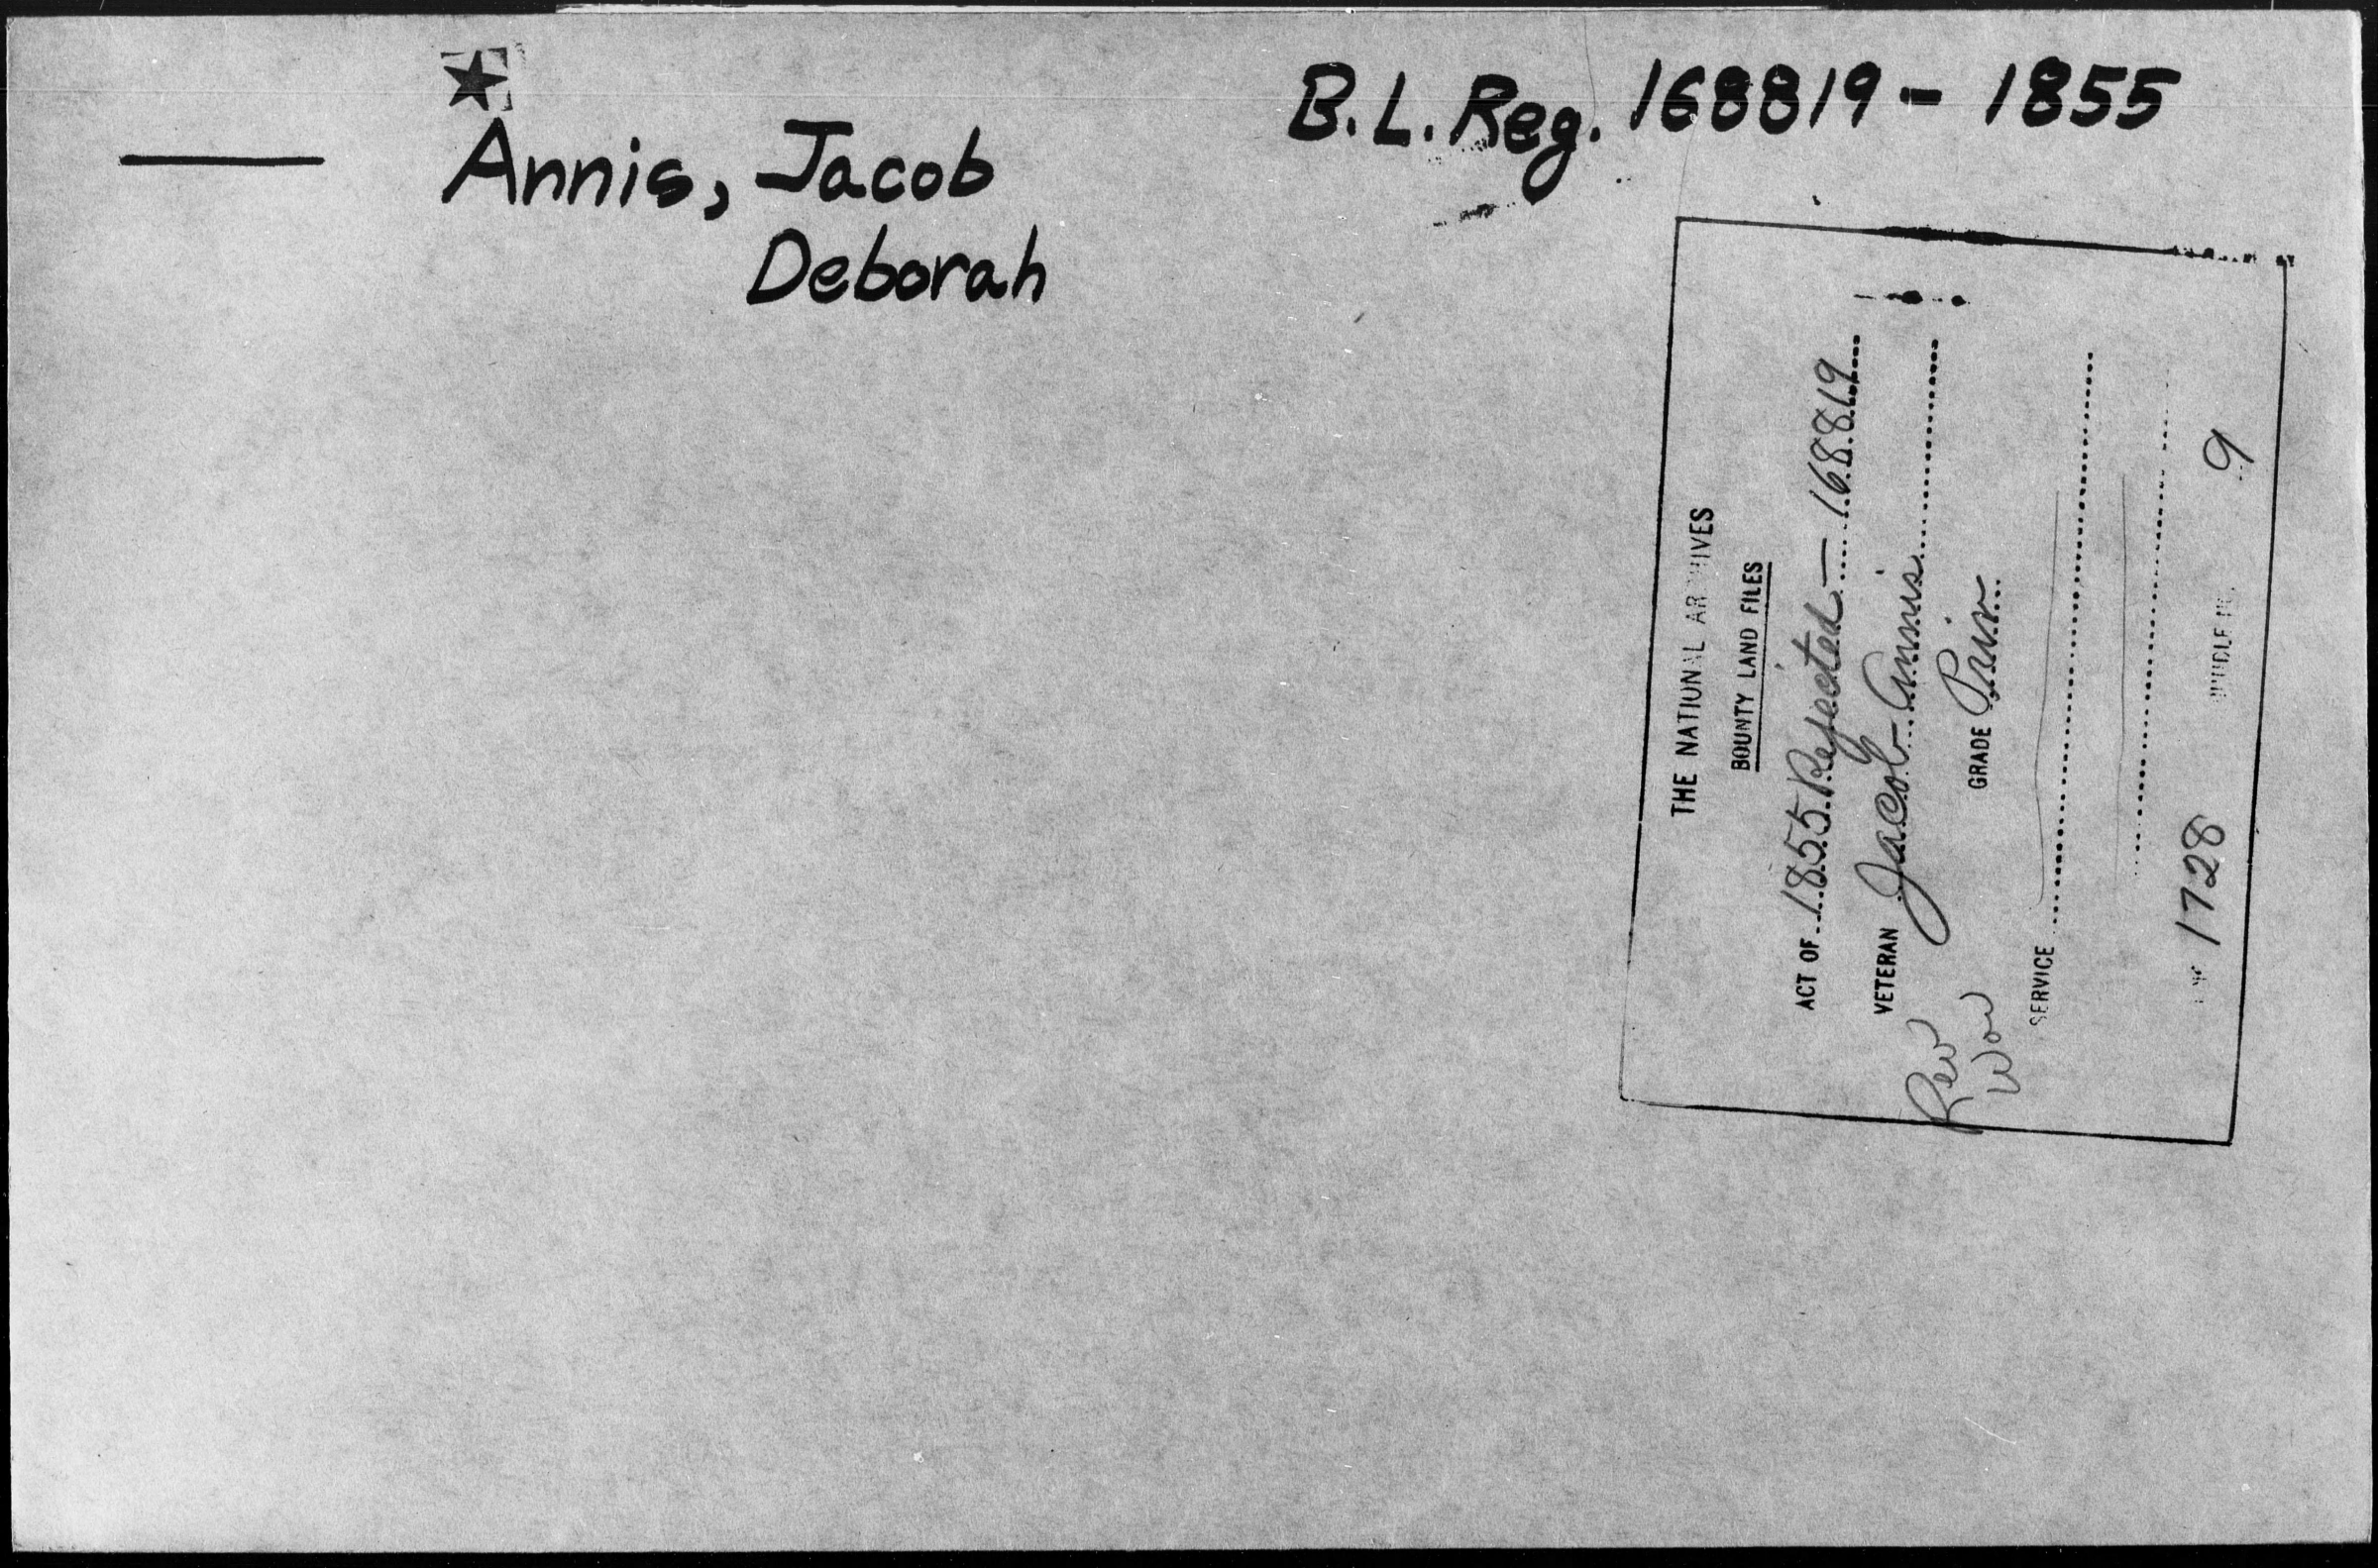Annis, Jacob
Deborah

B.L. Reg. 168819-1855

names: Jacob Annis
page: 1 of 9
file: B.L.Reg 168819-1855, Jacob Annis, [BLANK]